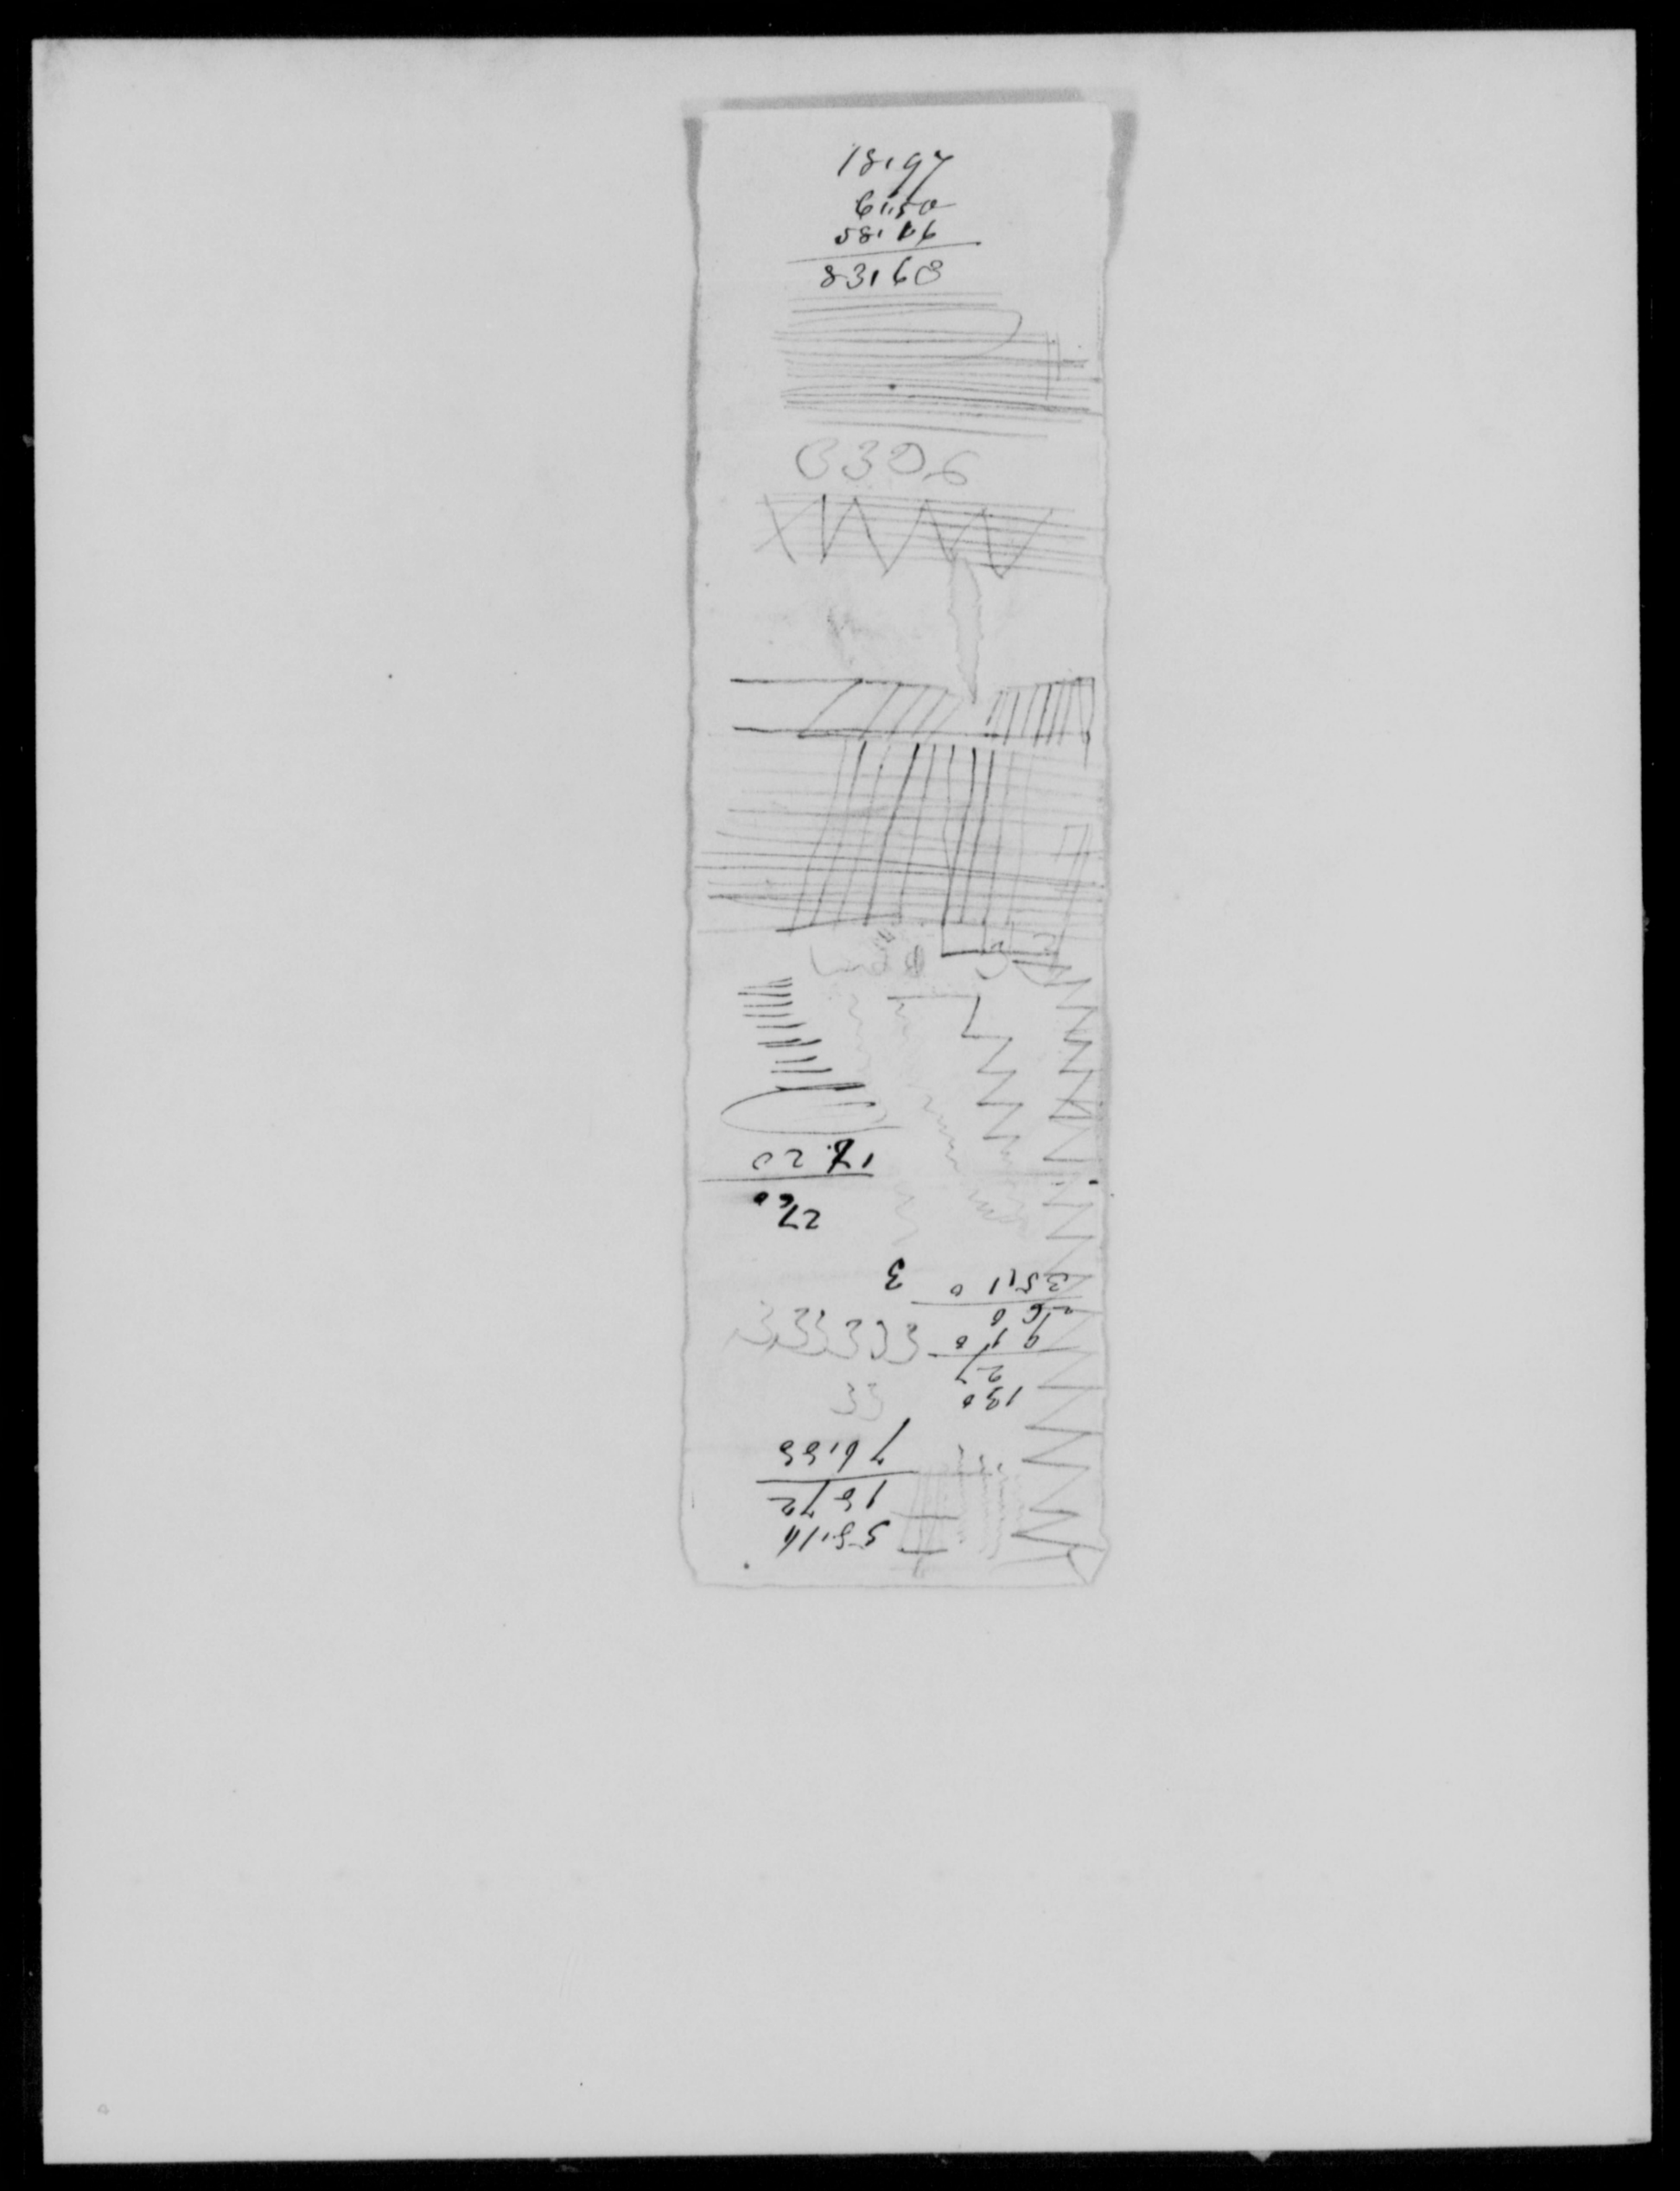18.97
6.50
58.16
[Total] 83.63

B3D6

27 60
16.20
3
130 27
910 60
35.10

58.16
18.72
[Total 76.88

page: 23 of 55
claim: widow's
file: W. 14,021, for Samuel Tilton, New Hampshire